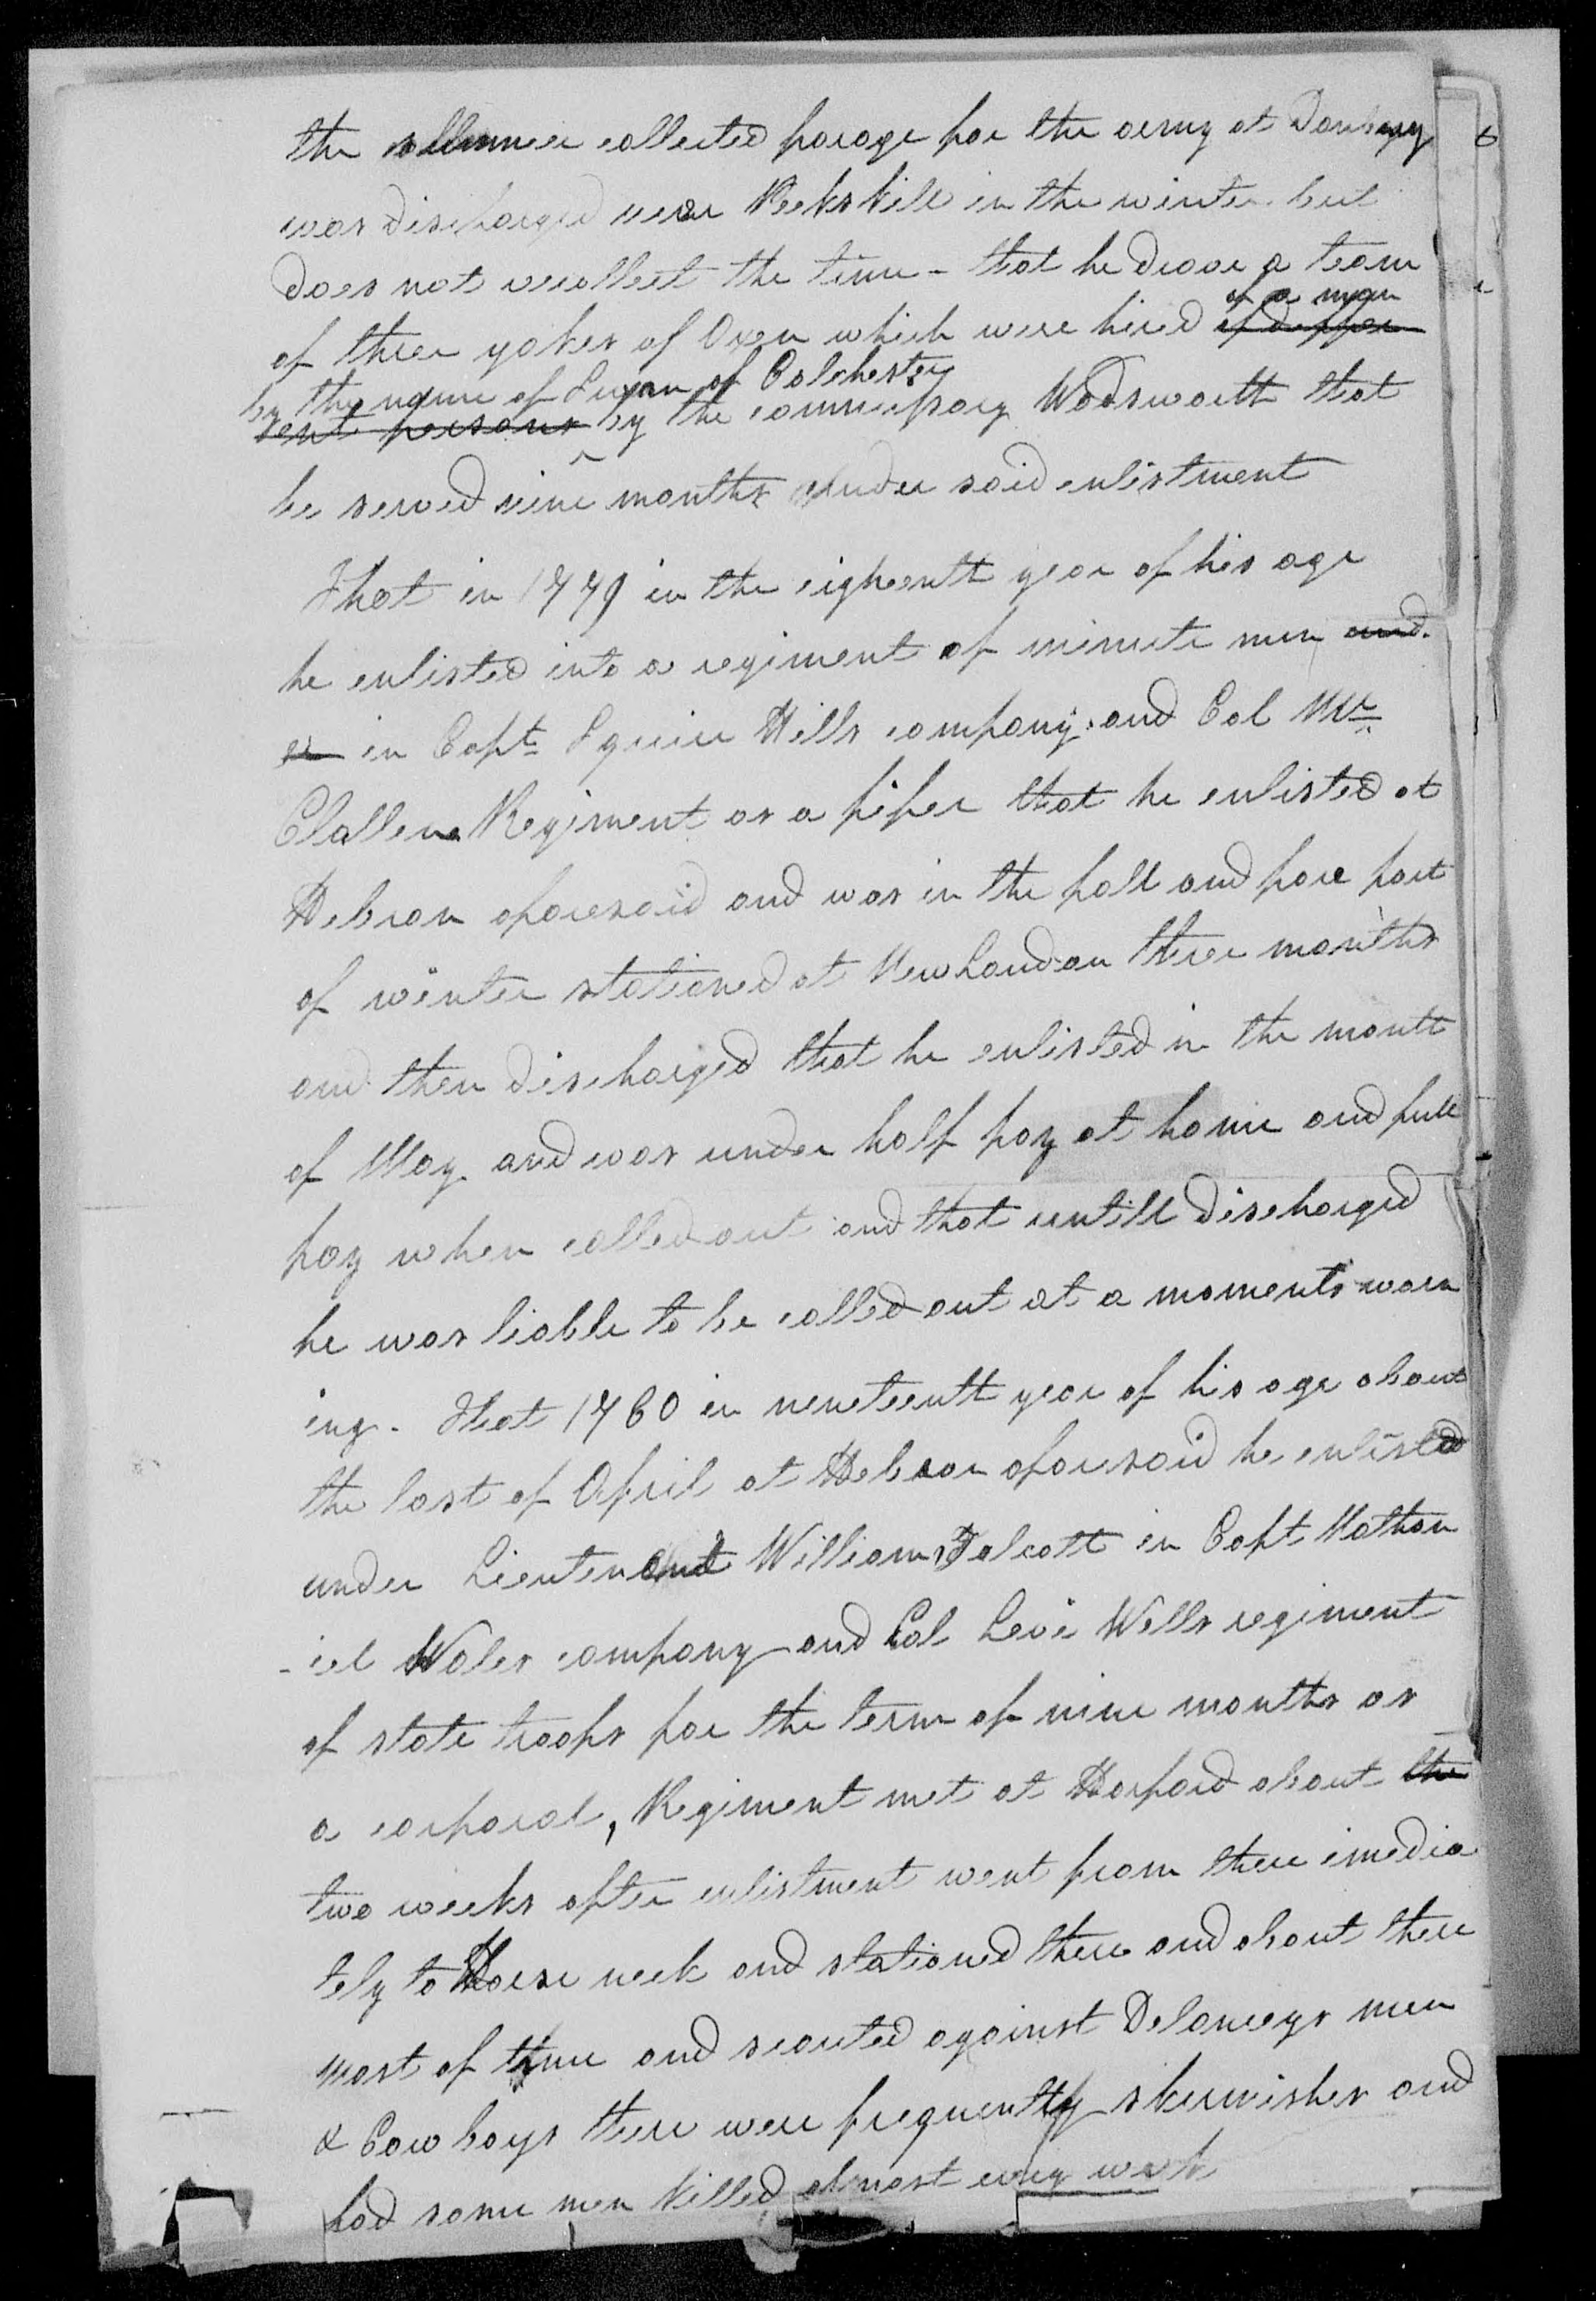the [unreadable] collected forage for the army at Danbury,  was discharged at Peekskill in the winter but does not recollect the time.  That he drove a team of three yokes of Oxen which were hired of a man by the name of Luyan of Colchester by the Commissary Wadsworth that he served nine months under said enlistment. 
That in 1779 in the eighteenth year of his age he enlisted into a regiment of minute men and in Capt Squire Hills company and Col McCellans Regiment as a fifer, that he enlisted at Hebron aforesaid and was in the fall and fore part of winter stationed at New London three months and then discharged.  That he enlisted in the month of May and was under half pay at home and full pay when called out and that untill discharged he was liable to be called out at a moments warning.  That 1780 in nineteenth year of his age about the last of April of Hebron aforesaid he enlisted under Lieutenant William Tolcott in Capt Nathaniel Wales company and Col Levi Wells regiment of State troops for the term of nine months as a corporal, Regiment unto at Hartford about two weeks after enlistment went from there immediately to Horseneck and stationed there and about there most of there and scouted against De Lanceys men & Cowboys, there were frequently skirmishes and had some men killed almost every week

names: William Talcott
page: 11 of 73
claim: widow's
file: W. 2338, for Joseph P Peters, Connecticut